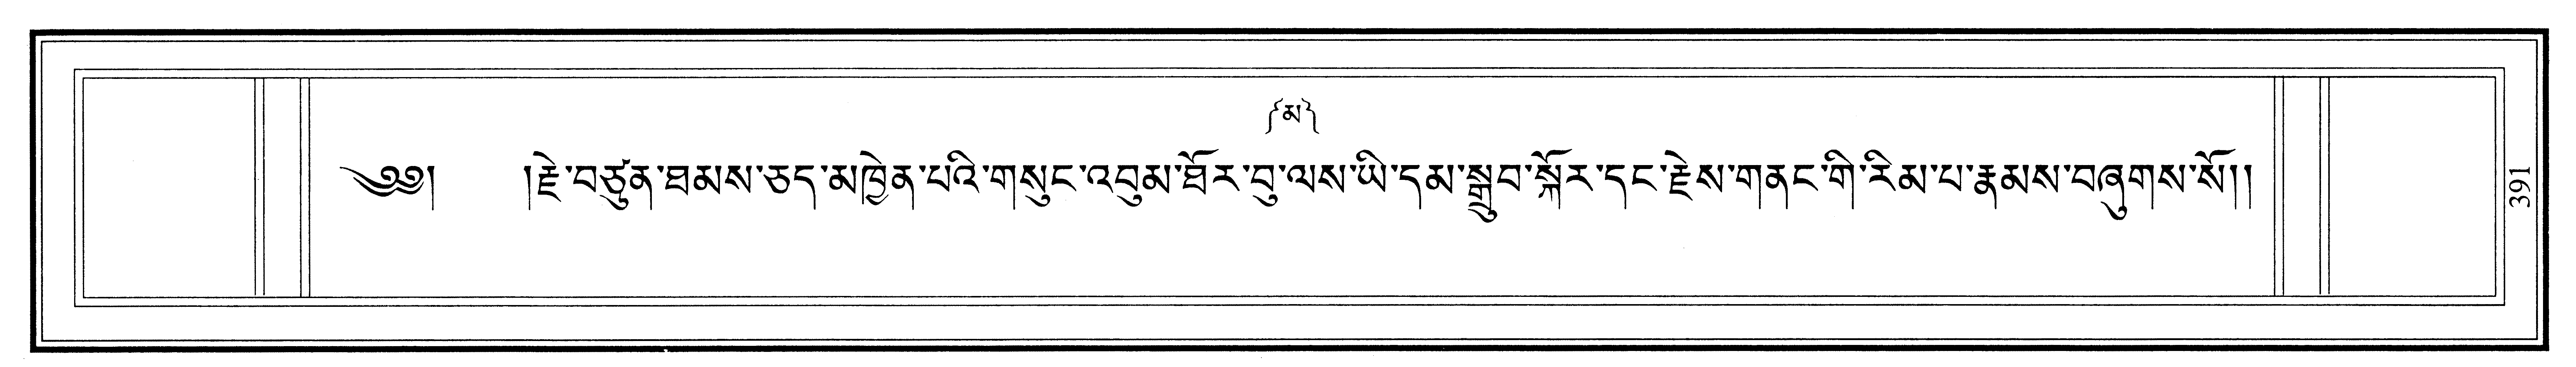༄༅། །རྗེ་བཙུན་ཐམས་ཅད་མཁྱེན་པའི་གསུང་འབུམ་ཐོར་བུ་ལས་ཡི་དམ་སྒྲུབ་སྐོར་དང་རྗེས་གནང་གི་རིམ་པ་རྣམས་བཞུགས་སོ།།